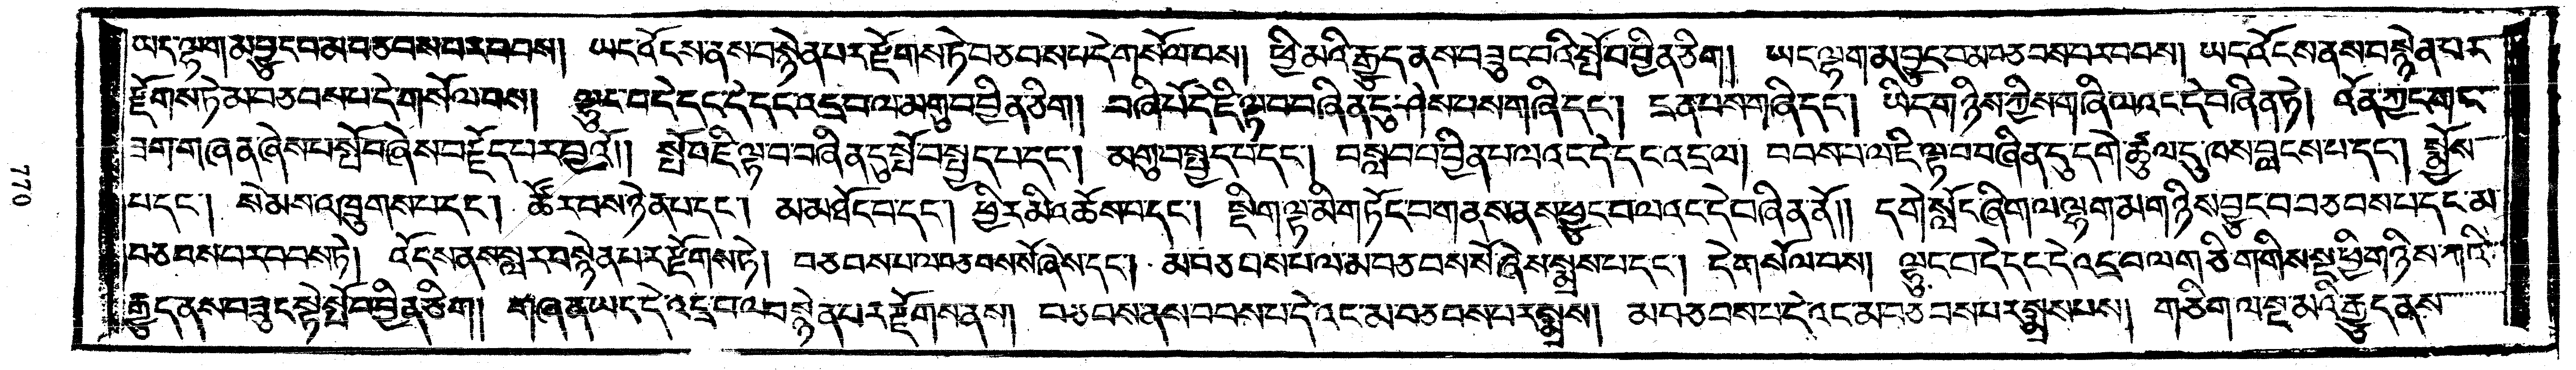ཡང་ལྷག་མ་བྱུང་བ་མ་བཅབས་པར་བབས། ཡང་འོངས་ནས་བསྙེན་པར་རྫོགས་ཏེ་བཅབས་པ་དེ་གསོལ་བས། ཕྱི་མའི་རྒྱུད་ནས་བཟུང་བའི་སྤོ་བ་བྱིན་ཅིག། ཡང་ལྷག་མ་བྱུང་བ་མ་བཅབས་པར་བབས། ཡང་འོངས་ནས་བསྙེན་པར་
རྫོགས་ཏེ་མ་བཅབས་པ་དེ་གསོལ་བས། ལྷུང་བ་དེ་དང་དེ་དང་འདྲ་བ་ལ་མགུ་བ་བྱིན་ཅིག། བཞི་པོ་དེ་ཇི་ལྟ་བ་བཞིན་དུ་ཤེས་པས་གཞི་དང་། དྲན་པས་གཞི་དང་། ཡིད་གཉིས་ཀྱིས་གཞི་ལའང་དེ་བཞིན་ཏེ། འོན་ཀྱང་གང་
ཟག་གཞན་ཞེས་པ་སྤོ་བ་ཞེས་བརྗོད་པར་བྱའོ།། སྤོ་བ་ཇི་ལྟ་བ་བཞིན་དུ་སྤོ་བ་སྤྱད་པ་དང་། མགུ་བ་སྤྱད་པ་དང་། བསླབ་པ་བྱིན་པ་ལའང་དེ་དང་འདྲ་ལ། བབས་པ་ལ་ཇི་ལྟ་བ་བཞིན་དུ་དགེ་ཚུལ་དུ་ཁས་བླངས་པ་དང་། སྨྱོས་
པ་དང་། སེམས་འཁྲུགས་པ་དང་། ཚོར་བས་ཉེན་པ་དང་། མ་མཐོང་བ་དང་། ཕྱིར་མི་འཆོས་པ་དང་། སྡིག་ལྟ་མི་གཏོང་བ་གནས་ནས་ཕྱུང་བ་ལའང་དེ་བཞིན་ནོ།། དགེ་སློང་ཞིག་ལ་ལྷག་མ་གཉིས་བྱུང་བ་བཅབས་པ་དང་མ་
བཅབས་པར་བབས་ཏེ། འོངས་ནས་སླར་བསྙེན་པར་རྫོགས་ཏེ། བཅབས་པ་ལ་བཅབས་སོ་ཞེས་དང་། མ་བཅབས་པ་ལ་མ་བཅབས་སོ་ཞེས་སྨྲས་པ་དང་། དེ་གསོལ་བས། ལྟུང་བ་དེ་དང་དེ་འདྲ་བ་ལ་གཅིག་གིས་སྔ་ཕྱི་གཉིས་ཀའི་
རྒྱུད་ནས་བཟུང་སྟེ་སྤོ་བ་བྱིན་ཅིག། གཞན་ཡང་དེ་འདྲ་བ་ལ་བསྙེན་པར་རྫོགས་ནས། བཅབས་ནས་བབས་པ་དེ་འང་མ་བཅབས་པར་སྨྲས། མ་བཅབས་པ་དེ་འང་མ་བཅབས་པར་སྨྲས་པས། གཅིག་ལ་སྔ་མའི་རྒྱུད་ནས་